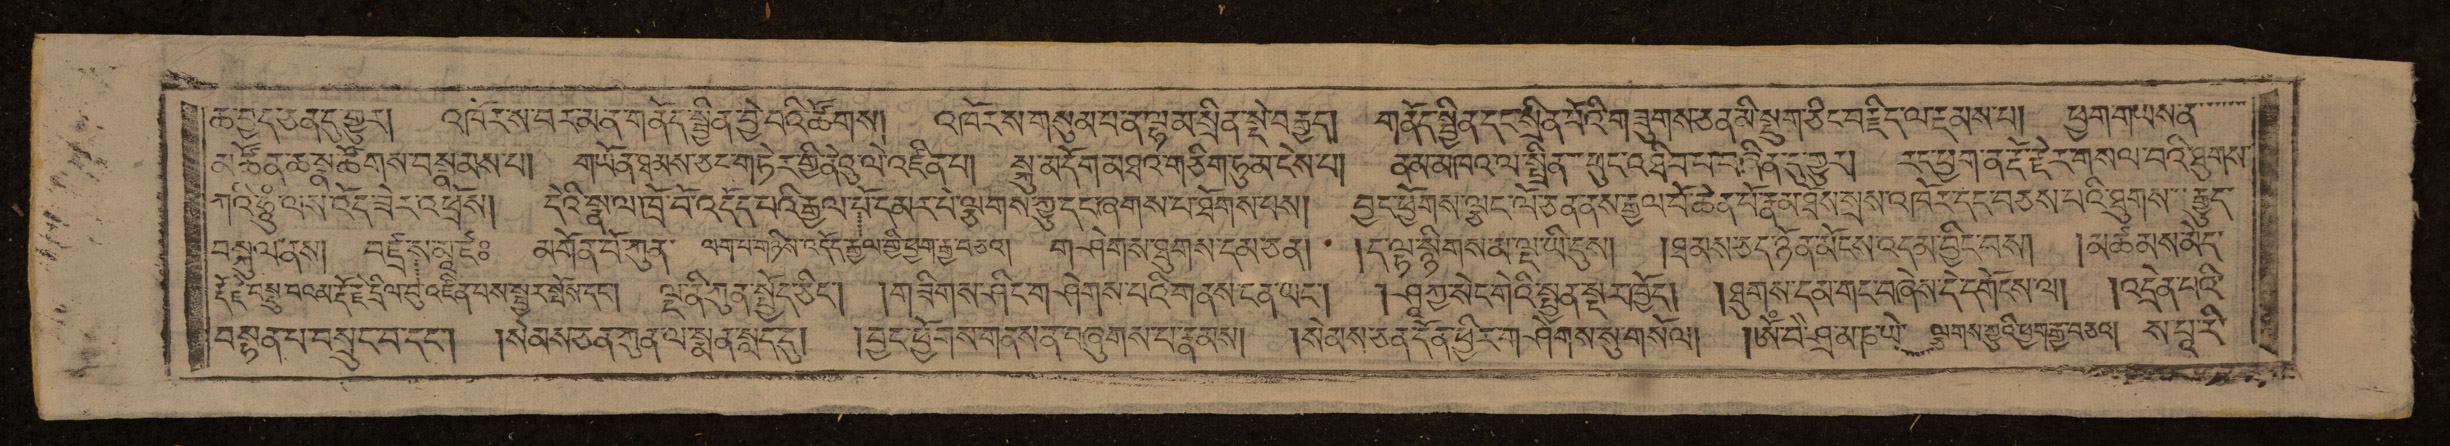ཆ་བྱད་ཅན་དུ་གྱུར། འཁོར་ས་བར་མན་གནོད་སྦྱིན་བྱེ་བའི་ཚོགས། འཁོར་ས་གསུམ་པ་ན་ལྷ་མ་སྲིན་སྡེ་བརྒྱད། གནོད་སྦྱིན་དང་སྲིན་པོའི་གཟུགས་ཅན་མི་སྡུག་ཅིང་བརྗིད་ལ་རྔམས་པ། ཕྱག་གཡས་ན་
མཚོན་ཆ་སྣ་ཚོགས་བསྣམས་པ། གཡོན་ཐམས་ཅད་གཏེར་གྱི་ནེའུ་ལེ་འཛིན་པ་སྐུ་མདོག་མཐའ་གཅིག་ཏུ་མ་ངེས་པ། ནམ་མཁའ་ལ་སྤྲིན་ཕུང་འཐིབ་པ་བཞིན་དུ་གྱུར། རང་ཕྱག་ན་རྡོ་རྗེར་གསལ་བའི་ཐུགས་
ཀའི་ཧཱུཾ་ལས་འོད་ཟེར་འཕྲོས། དེའི་སྣལ་ཁྲོ་བོ་འདོད་པའི་རྒྱལ་པོ་དམར་པོ་ལྕགས་ཀྱུ་དང་ཞགས་པ་ཐོགས་པས། བྱང་ཕྱོགས་ལྕང་ལོ་ཅན་ནས་རྒྱལ་པོ་ཆེན་པོ་རྣམ་ཐོས་སྲས་འཁོར་དང་བཅས་པའི་ཐུགས་རྒྱུད་
བསྐུལ་ནས། བཛྲ་ས་མཱ་ཛཿམགོན་པོ་ཀུན་ལག་པ་གཉིས་འདོད་རྒྱལ་གྱི་ཕྱག་རྒྱ་བཅའ། གཤེགས་ཐུགས་དམ་ཅན། །ད་ལྟ་སྙིགས་མ་ལྔ་ཡི་དུས། །ཐམས་ཅད་ཉོན་མོངས་འདམ་བྱིང་བས། །མཚམས་མེད་
རྡོ་རྗེ་བསྡུ་པའམ་རྡོ་རྗེ་དྲིལ་བུ་འཛིན་པས་སྦྱར་སྤོས་དང་། ལྔ་ནི་ཀུན་སྤྱོད་ཅིང་། །གཟིགས་ཤིག་གཤེགས་པའི་གནས་ངན་ཡང་། །ཤཱཀྱ་སེང་གའི་སྤྱན་སྔར་ཁྱོད། །ཐུགས་དམ་གང་བཞེས་དེ་དགོངས་ལ། །འདྲེན་པའི་
བསྟན་པ་བསྲུང་བ་དང་། །སེམས་ཅན་ཀུན་ལ་སྨན་སླད་དུ། །བྱང་ཕྱོགས་གནས་ན་བཞུགས་པ་རྣམས། །སེམས་ཅན་དོན་ཕྱིར་གཤེགས་སུ་གསོལ། །ཨོཾ་བཻ་ཤྲ་མ་ཎ་ཡེ་ལྕགས་ཀྱུའི་ཕྱག་རྒྱ་བཅའ། ས་པཱ་རི་